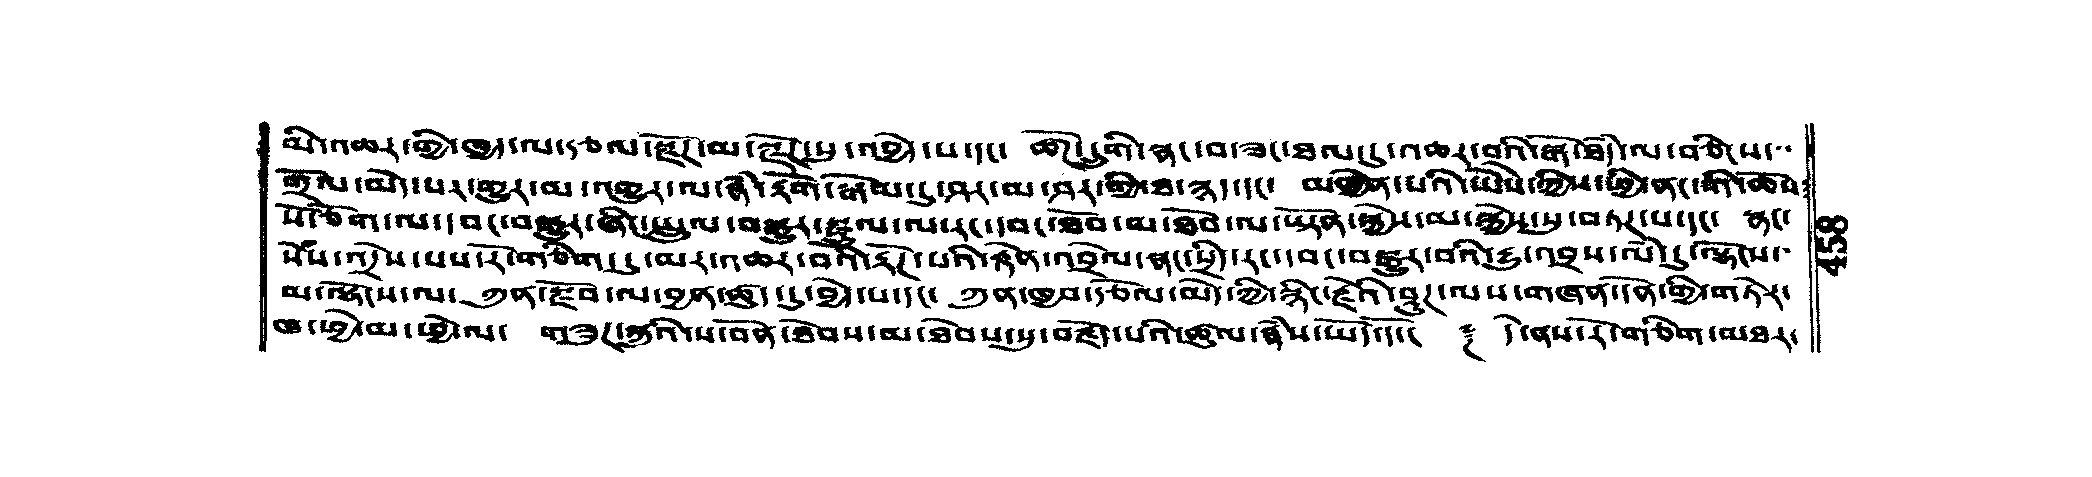མི་འཆར་གྱི་ཁྱད་ལ་རྩལ་རྫོགས་མ་རྫོགས་སུ་འབྱེད་པ་དང་། ཚོགས་དྲུག་གི་སྣང་བ་ཟང་ཐལ་དུ་འཆར་བའི་སྒོ་ཐམས་ཅད་ལ་བཅིངས་
གྲོལ་མེད་པར་གྱུར་མ་འགྱུར་ལ་རྣམ་རྟོག་སྒོམ་དུ་ཤར་མ་ཤར་གྱི་ཐ་སྙད་དང་།མཁྱེན་པའི་ཡེ་ཤེས་ཀྱིས་ཕྱི་ནང་གི་ཆོས་
སོ་ཅོག་ལ་དབང་བསྒྱུར་ཞིང་སྤྲུལ་བསྒྱུར་རྫུ་འཕྲུལ་ལ་རང་དབང་ཐོབ་མ་ཐོབ་ལ་ཡོན་ཏན་སྐྱེས་མ་སྐྱེས་སུ་བཏགས་པ་དང་། སྣང་
སེམས་འདྲེས་པས་རོ་གཅིག་དུ་མར་འཆར་བའི་རྟོགས་པའི་རྟེན་འབྲེལ་སྣང་སྲིད་རང་དབང་བསྒྱུར་བའི་རྒྱུ་འབྲས་ལམ་དུ་ལྷོངས་
མ་ལྷོངས་ལ། ཀུན་རྫོབ་ལ་བྱན་ཚུད་དུ་བྱེད་པ་དང་། ཀུན་ཁྱབ་རྩོལ་མེད་ཀྱི་སྙིང་རྗེའི་ཤུགས་ལས་གཞན་དོན་གྱི་གཏེར་
ཁ་ཕྱེ་མ་ཕྱེ་ལ། གཟུགས་སྐུའི་ས་བོན་ཐེབས་མ་ཐེབས་སུ་བརྗོད་པའི་ཚུལ་རྣམས་ཡོད་དོ།། དེ་ནས་རོ་གཅིག་མཐར་